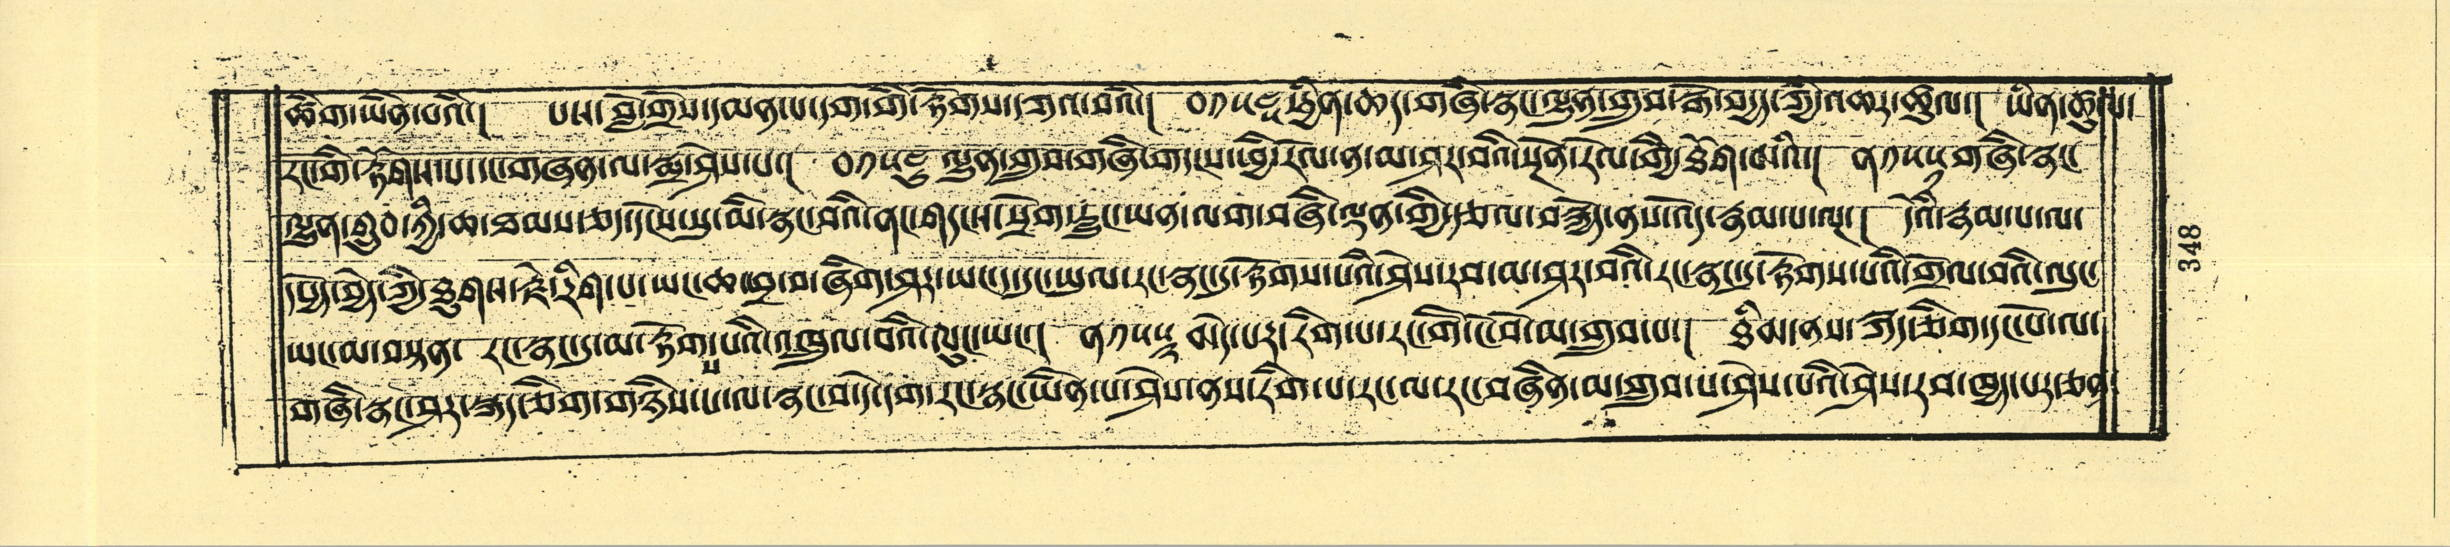ཚིག་ཡིན་པའི། ༼པས་༽བློ་གྲོས་དམན་པ་དག་གི་རྟོགས་དཀའ་བའི། བ༡༥༤།༥ ༼ཕྱིན་ཆད་༽གཞི་སྣང་ལྷུན་གྲུབ་སྒོ་བརྒྱད་ཀྱི་འཆར་ཚུལ། ༼ཡིན་ཚུལ་༽
རང་གི་ ༼རྟོགས་པ་༽དང་གཞན་ལ་སྨྲ་ཤེས་པ། བ༡༥༤།༦ ལྷུན་གྲུབ་གཞི་གདངས་ཕྱི་རོལ་ན་མ་ཤར་བའི་སྔོན་རོལ་གྱི་ ༼ཐོམ་མའི།༽ན༡༥༥།༡ གཞི་སྣང་
ལྷུན་ ༼གྲུབ་ཀྱི་༽ཆ་ཐམས་ཅད་དངོས་སུ་མི་སྣང་བའི་ ༼ནང་གདངས་༽སྲོག་རླུང་ཡན་ལག་བཞི་ལྡན་གྱི་རྩལ་བསྐྱོད་ནས་འོད་རྣམ་པ་ལྔ། དེའི་རྣམ་པ་ལ་
དཔྱོད་བྱེད་ཀྱི་ ༼ཐུགས་རྗེ་རིག་པ་༽ཡང་ཆ་ཕྲ་བ་ཞིག་ཤར་ཡང་ད་དུང་ཡུལ་རང་སྣང་དུ་རྟོགས་པའི་ཤེས་རབ་མ་ཤར་བའི་རང་སྣང་དུ་རྟོགས་པའི་གྲོལ་བའི་ལུང་
ཡང་མ་བསྟན། རང་སྣང་དུ་མ་རྟོགས་པའི་འཁྲུལ་པའི་ ༼ལུང་ཡང།༽ན༡༥༥།༢ ༼མེད་པར་༽རིག་པ་རང་གི་ངོ་བོ་མ་གྲུབ་པ། ༼ཐིམ་༽ནས་སྐད་ཅིག་དང་པོ་ལ་
གཞི་སྣང་ཤར་སྐད་ཅིག་གཉིས་པ་ལ་སྣང་བ་དེ་དག་རང་སྣང་ཡིན་པ་ཤེས་ནས་རིག་པ་རང་ལ་རང་བཞིན་མ་གྲུབ་པ་ཤེས་པའི་ཤེས་རབ་ཁྱད་པར་ཅན་